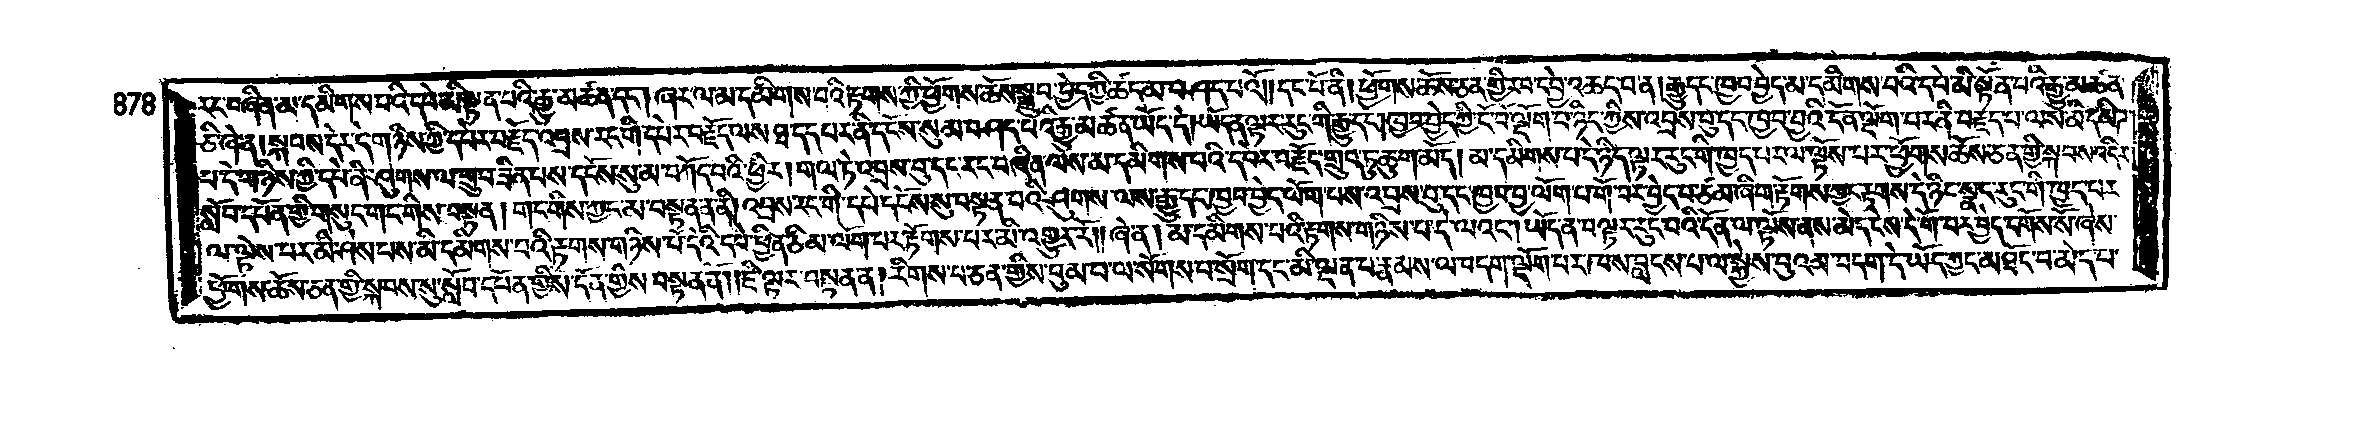རང་བཞིན་མ་དམིགས་པའི་དཔེ་མི་སྟན་པའི་རྒྱུ་མཚན་དང་། ཞར་ལ་མ་དམིགས་པའི་རྟགས་ཀྱི་ཕྱོགས་ཆོས་སྒྲུབ་བྱེད་ཀྱི་ཚད་མ་བཤད་པའོ། །དང་པོ་ནི། ཕྱོགས་ཆོས་ཅན་གྱི་རབ་དབྱེ་འཆད་པ་ན། རྒྱུ་དང་ཁྱབ་བྱེད་མ་དམིགས་པའི་དཔེ་མི་སྟོན་པའི་རྒྱུ་མཚན་
ཅི་ཞེ་ན། སྐབས་དེར་དེ་གཉིས་ཀྱི་དཔེར་བརྗོད་འབྲས་རང་གི་དཔེར་བརྗོད་ལས་ཐ་དད་པར་ནི་དངོས་སུ་མ་བཤད་པའི་རྒྱུ་མཚན་ཡོད་དེ། ཡོད་ན་ལྟར་རུང་གི་རྒྱུ་དང་། ཁྱབ་བྱེད་ཀྱི་ངོ་བོ་ལྡོག་པ་ཉིད་ཀྱིས་འབྲས་བུ་དང་ཁྱབ་བྱའི་དོན་ལྡོག་པར་ནི་བརྗོད་པ་ལས་མི་དམིགས་
པ་དེ་གཉིས་ཀྱི་དཔེ་ནི་ཤུགས་ལ་གྲུབ་ཟིན་པས་དངོས་སུ་མ་བཀོད་པའི་ཕྱིར། གལ་ཏེ་འབྲས་བུ་དང་རང་བཞིན་ལས་མ་དམིགས་པའི་དཔེར་བརྗོད་གྲུབ་ཏུ་ཆུག་མོད། མ་དམིགས་པ་དེ་ཉིད་ལྟར་རུང་གི་ཁྱད་པར་ལ་ལྟོས་པར་ཕྱོགས་ཆོས་ཅན་གྱི་སྐབས་འདིར་
སློབ་དཔོན་གྱི་གསུང་གང་གིས་བསྟན། གང་གིས་ཀྱང་མ་བསྟན་ན་ནི། འབྲས་རང་གི་དཔེ་དངོས་སུ་བསྟན་པའི་ཤུགས་ལས་རྒྱུ་དང་ཁྱབ་བྱེད་ལོག་པས་འབྲས་བུ་དང་ཁྱབ་བྱ་ལོག་པ་གོ་བར་བྱེད་པ་ཙམ་ཞིག་རྟོགས་ཀྱང་རྟགས་དེ་ཉིད་སྣང་རུང་གི་ཁྱད་པར་
ལ་ལྟོས་པར་མི་ཤེས་པས་མི་དམིགས་པའི་རྟགས་གཉིས་པོ་དེའི་དཔེ་ཕྱིན་ཅི་མ་ལོག་པར་རྟོགས་པར་མི་འགྱུར་རོ། །ཞེ་ན། མ་དམིགས་པའི་རྟགས་གཉིས་པ་དེ་ལའང་། ཡོད་ན་བལྟར་རུང་བའི་དོན་ལ་ལྟོས་ནས་མེད་ངེས་དེ་གོ་བར་བྱེད་དགོས་སོ་ཞེས་
ཕྱོགས་ཆོས་ཅན་གྱི་སྐབས་སུ་སློབ་དཔོན་གྱིས་དོན་གྱིས་བསྟན་ནོ། །ཇི་ལྟར་བསྟན་ན། རིགས་པ་ཅན་གྱིས་བུམ་པ་ལ་སོགས་པ་སྲོག་དང་མི་ལྡན་པ་རྣམས་ལ་བདག་ལྡོག་པར་ཁས་བླངས་པ་ལ་སྐྱེས་བུའམ་བདག་དེ་ཡོད་ཀྱང་མཐོང་བ་མེད་པ་